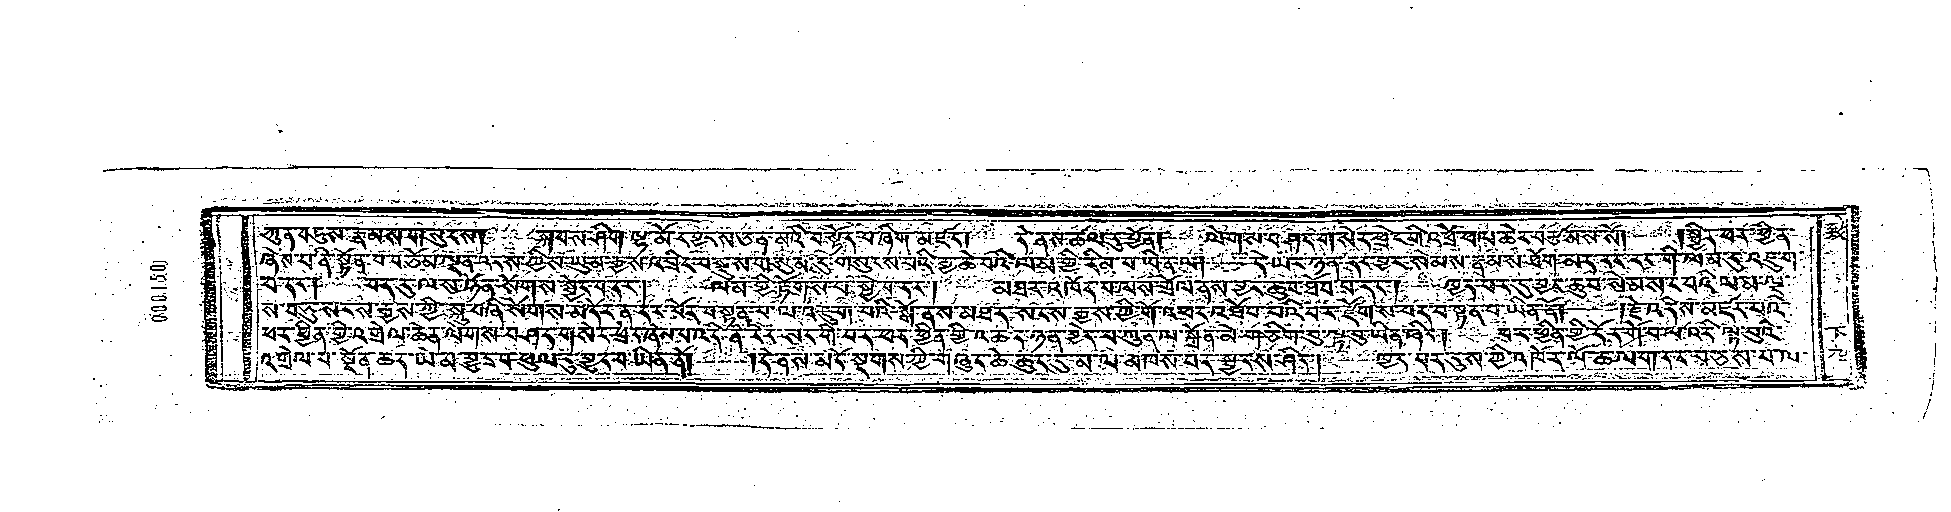ཀུན་བཏུས་རྣམས་གསུངས། སྐབས་ཤིག་ལྷ་མོ་དབྱངས་ཅན་མའི་བསྟོད་བ་ཞིག་མཛད། དེ་ནས་ཚལ་དུ་བྱོན། ལེགས་བཤད་གསེར་ཕྲེང་གི་འཕྲོ་ཕལ་ཆེར་བརྩམས་སོ། །སྤྱིར་ཕར་ཕྱིར་
ཞེས་པ་ནི་སྟོན་པ་བཅོམ་ལྡན་འདས་ཀྱིས་ཡུམ་རྒྱས་འབྲིང་བསྡུས་གསུམ་དུ་གསུངས་པའི་རྒྱ་ཆེ་བའི་ལམ་གྱི་རིམ་པ་ཡིན་ལ། དེ་ཡང་ཉན་རང་བྱང་སེམས་རྣམས་ཐོག་མར་རང་རང་གི་ལམ་དུ་འཇུག་
བ་དང་། བར་དུ་ལས་ཉོན་སོགས་སྦྱོང་བ་དང་། ལམ་གྱི་རྟོགས་པ་སྐྱེ་བ་དང་། མཐར་འཁོར་བ་ལས་གྲོལ་ནས་བྱང་ཆུབ་ཐོབ་པ་དང་། ཁྱད་བར་དུ་བྱང་ཆུབ་སེམས་དཔའི་ལམ་ལྔ་
ས་བཅུ་སངས་རྒྱས་ཀྱི་སྐུ་བཞི་སོགས་མདོར་ན་དང་བོར་བསྟན་པ་ལ་འཇུག་པའི་སྒོ་ནས་མཐར་སངས་རྒྱས་ཀྱི་གོ་འཕང་འཐོབ་པའི་བར་རྫོགས་བར་བསྟན་བ་ཡིན་ནོ། །རྗེ་འདིས་མཛད་བའི་
ཕར་ཕྱིན་གྱི་འགྲེལ་ཆེན་ལེགས་བཤད་གསེར་ཕྲེང་ཞེས་པ་འདི་ནི་ངེད་སང་གི་བར་ཕར་ཕྱིན་གྱི་འཆད་ཉན་བྱེད་བ་ཀུན་ལ་སྐྲོན་མེ་གཅིག་བུ་ལྟ་བུ་ཡིན་ཞིང་། ཕར་ཕྱིན་གྱི་དོར་གོ་བ་ལ་འདིར་ལྟ་བུའི་
འགྲེལ་པ་སྔོན་ཆད་ཡེ་མ་བྱུང་བ་ཕུལ་དུ་བྱུང་བ་ཡིན་ནོ། །དེ་ནས་མདོ་སྔགས་ཀྱི་གཉུང་ཆེ་ཆུང་དུ་མ་ལ་མཁས་པར་སྦྱངས་ཤིང་། ཁྱད་པར་དུས་ཀྱི་འཁོར་ལོ་ཆ་ལག་དང་བཅས་པ་ལ་